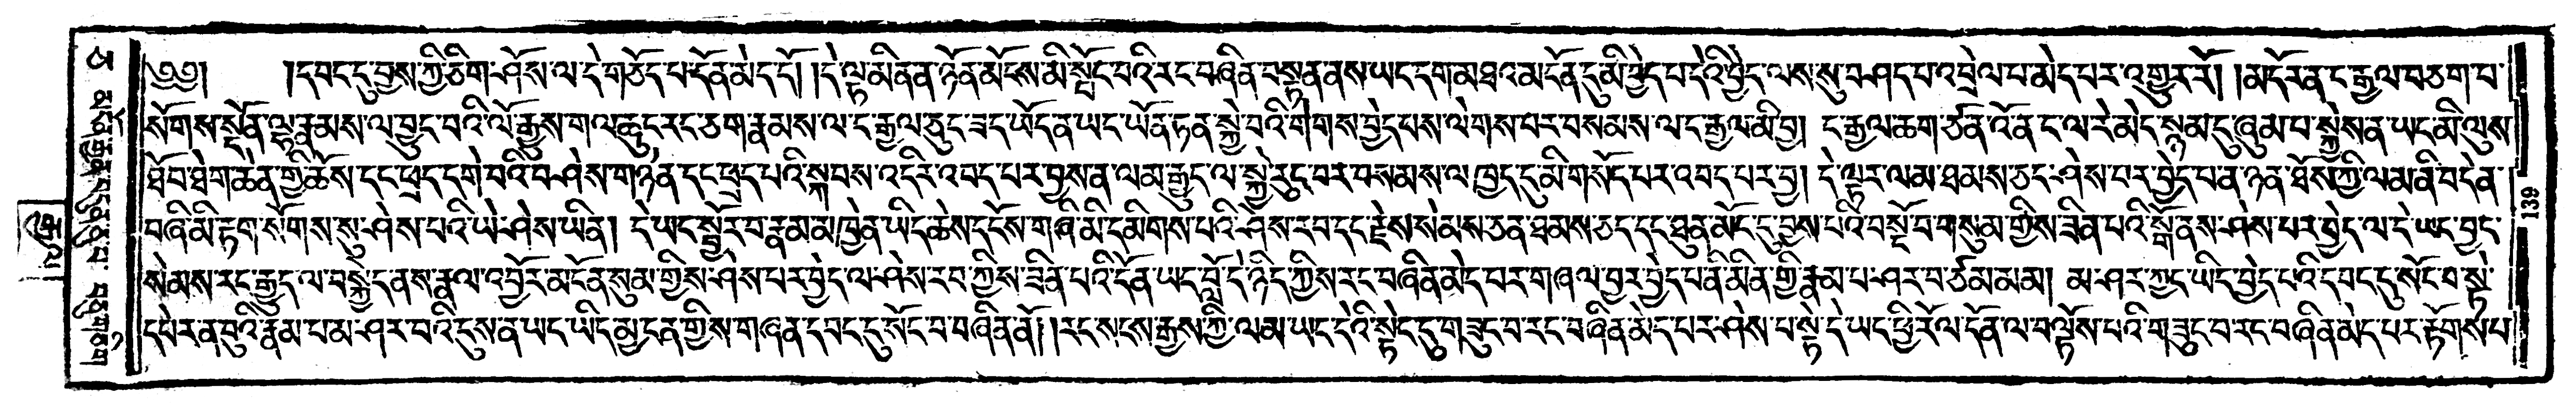༄༅། །དབང་དུ་བྱས་ཀྱི་ཅིག་ཤོས་ལ་དེ་གཅོད་པ་དོན་མེད་དོ། །དེ་ལྟ་མིན་ན་ཉོན་མོངས་མི་སྤོང་བའི་རང་བཞིན་བསྟན་ནས་ཡང་དག་མཐའ་མངོན་དུ་མི་བྱེད་པ་དེའི་བྱེད་ལས་སུ་བཤད་པ་འབྲེལ་པ་མེད་པར་འགྱུར་རོ། །མདོར་ན་ང་རྒྱལ་བཅག་པ་
སོགས་སྔོན་ལྷ་རྣམས་ལ་བྱུང་བའི་ལོ་རྒྱུས་གལ་ཆུང་རང་ཅག་རྣམས་ལ་ང་རྒྱལ་ཅུང་ཟད་ཡོད་ན་ཡང་ཡོན་ཏན་སྐྱེ་བའི་གེགས་བྱེད་པས་ལེགས་པར་བསམས་ལ་ང་རྒྱལ་མི་བྱ། ང་རྒྱལ་ཆག་ཙ་ན་འོ་ན་ང་ལ་རེ་མེད་སྙམ་དུ་ཞུམ་པ་སྐྱེས་ན་ཡང་མི་ལུས་
ཐོབ་ཐེག་ཆེན་གྱི་ཆོས་དང་ཕྲད་དགེ་བའི་བཤེས་གཉེན་དང་ཕྲད་པའི་སྐབས་འདིར་འབད་པར་བྱས་ན་ལམ་རྒྱུད་ལ་སྐྱེ་རུང་བར་བསམས་ལ་ཁྱད་དུ་མི་གསོད་པར་འབད་པར་བྱ། དེ་ལྟར་ལམ་ཐམས་ཅད་ཤེས་པར་བྱེད་པ་ན་ཉན་ཐོས་ཀྱི་ལམ་ནི་བདེན་
བཞི་མི་རྟག་སོགས་སུ་ཤེས་པའི་ཡེ་ཤེས་ཡིན། དེ་ཡང་སྦྱོར་བ་རྣམ་མཁྱེན་ཡིད་ཆེས་དངོས་གཞི་མི་དམིགས་པའི་ཤེས་རབ་དང་རྗེས་སེམས་ཅན་ཐམས་ཅད་དང་ཐུན་མོང་དུ་བྱས་པའི་བསྔོ་བ་གསུམ་གྱིས་ཟིན་པའི་སྒོ་ནས་ཤེས་པར་བྱེད་ལ་དེ་ཡང་བྱང་
སེམས་རང་རྒྱུད་ལ་བསྐྱེད་ནས་རྣལ་འབྱོར་མངོན་སུམ་གྱིས་ཤེས་པར་བྱེད་ལ་ཤེས་རབ་ཀྱིས་ཟིན་པའི་དོན་ཡང་བློ་དེ་ཉིད་ཀྱིས་རང་བཞིན་མེད་པར་གཞལ་བྱར་བྱེད་པ་ནི་མིན་གྱི་རྣམ་པ་ཤར་བ་ཙམ་མམ། མ་ཤར་ཀྱང་ཡིད་བྱེད་པའི་དབང་དུ་སོང་བ་སྟེ་
དཔེར་ན་བུའི་རྣམ་པ་མ་ཤར་བའི་དུས་ན་ཡང་ཡིད་མྱ་ངན་གྱིས་གཞན་དབང་དུ་སོང་བ་བཞིན་ནོ། །རང་སངས་རྒྱས་ཀྱི་ལམ་ཡང་དེའི་སྟེང་དུ་གཟུང་བ་རང་བཞིན་མེད་པར་ཤེས་པ་སྟེ་དེ་ཡང་ཕྱི་རོལ་དོན་ལ་བལྟོས་པའི་གཟུང་བ་རང་བཞིན་མེད་པར་རྟོགས་པ་